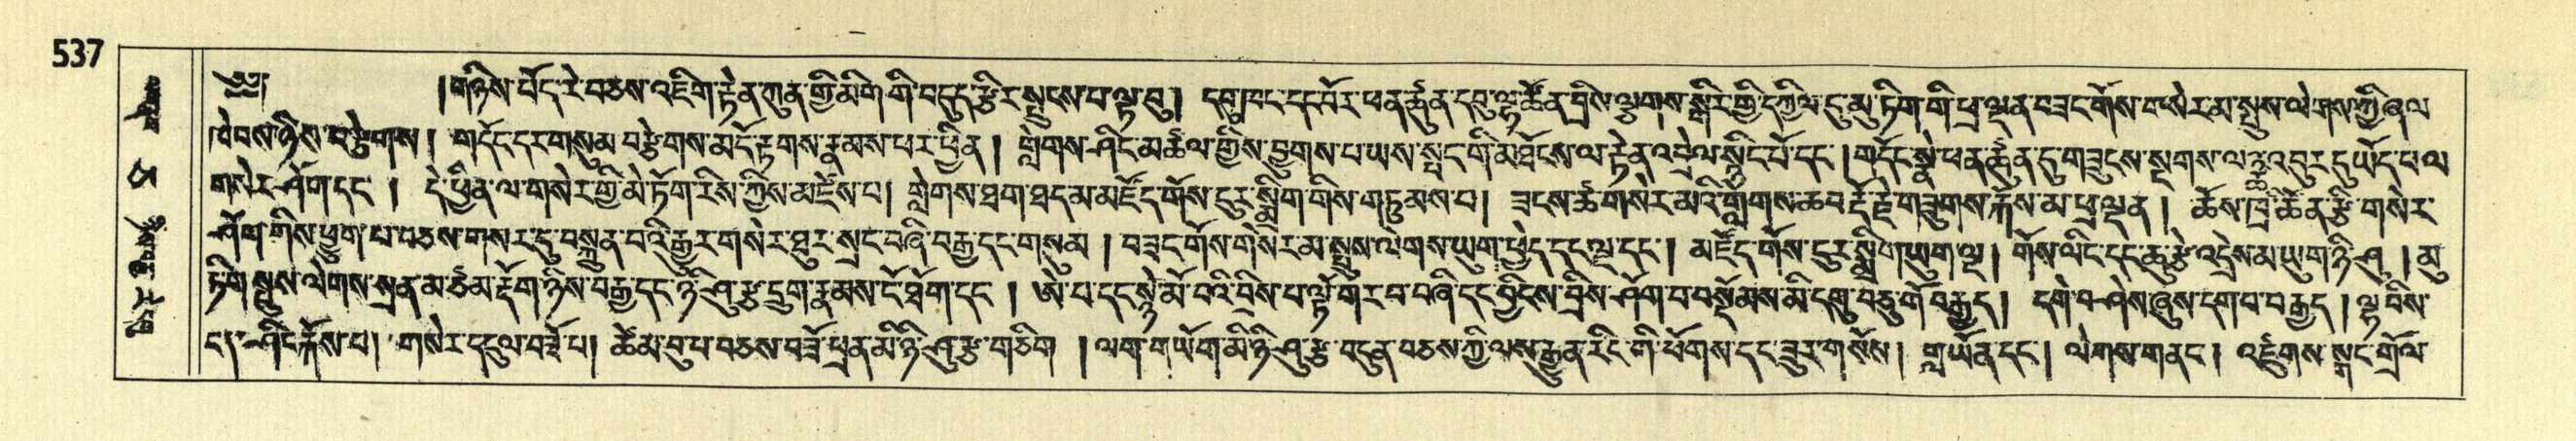༄༅། །གཉིས་པོད་རེ་བཅས་འཇིག་རྟེན་ཀུན་གྱི་མིག་གི་བདུད་རྩིར་སྤུངས་པ་ལྟ་བུ། དབུ་ཁང་དང་པོར་ཕན་ཚུན་དབུ་ལྷ་ཚོན་བྲིས་ལྕགས་སྒིར་གྱི་དཀྱིལ་དུ་མུ་ཏིག་གི་ཕྲ་ལྡན་བཟང་གོས་གསེར་མ་སྤུས་ལེགས་ཀྱི་ཞལ་
ཁེབས་ཉིས་བརྩེགས། གདོང་དར་གསུམ་བརྩེགས་མདོ་རྟགས་རྣམས་པར་ཕྱིན། གླེགས་ཤིང་མཚལ་གྱིས་བྱུགས་པ་ཡས་སྤང་གི་མཐོངས་ལ་རྟེན་འབྲེལ་སྙིང་པོ་དང་། གདོང་སྣེ་ཕན་ཚུན་དུ་གཟུངས་སྔགས་ལཉྩ་འབུར་དུ་ཡོད་པ་ལ་
གསེར་ཤོག་དང་། དེ་ཕྱིན་ལ་གསེར་གྱི་མེ་ཏོག་རིས་ཀྱིས་མཛེས་པ། གླེགས་ཐག་ཐད་མ་མཛོད་གོས་ངུར་སྨྲིག་གིས་གཏུམས་པ། ཟངས་ཚ་གསེར་མའི་གླེགས་ཆབ་རྡོ་རྗེ་གཟུགས་རྐོས་མ་ཕྲ་ལྡན། ཆོས་ཁྲི་ཚོན་རྩི་གསེར་
ཤོག་གིས་ཕྱུག་པ་བཅས་གསར་དུ་བསྐྲུན་པའི་རྒྱུར་གསེར་ཐུར་སྲང་བཞི་བརྒྱ་དང་གསུམ། བཟང་གོས་གསེར་མ་སྤུས་ལེགས་ཡུག་ཕྱེད་དང་ལྔ་དང་། མཛོད་གོས་ངུར་སྨྲིག་ཡུག་ལྔ། གོས་ལིང་དང་ཆུ་རྩེ་འདྲེས་མ་ཡུག་ཉི་ཤུ། མུ་
ཏིག་སྤུས་ལེགས་སྲན་མ་ཙམ་རྡོག་ཉིས་བརྒྱ་དང་ཉི་ཤུ་རྩ་དྲུག་རྣམས་ངོ་ཐོག་དང་། ཨེ་པ་དང་སྙེ་མོ་བའི་བྲིས་པ་ལྟོ་གར་བ་བཞི་དང་བྱིངས་བྲིས་ཤོག་པ་བསྡོམས་མི་དགུ་བཅུ་གོ་བརྒྱད། དགེ་བཤེས་ཞུས་དག་པ་བརྒྱད། ལྷ་བིས་
ང༑ ཤིང་རྐོས་པ། གསེར་དངུལ་བཟོ་པ། ཚེམ་བུ་པ་བཅས་བཟོ་ཕྲན་མི་ཉི་ཤུ་རྩ་གཅིག །ལག་གཡོག་མི་ཉི་ཤུ་རྩ་བདུན་བཅས་ཀྱི་ལས་རྒྱུན་རིང་གི་ཕོགས་དང་ཟུར་གསོས། གླ་ཡོན་དང་། ལེགས་གནང་། འཛུགས་སྒང་གྲོལ་